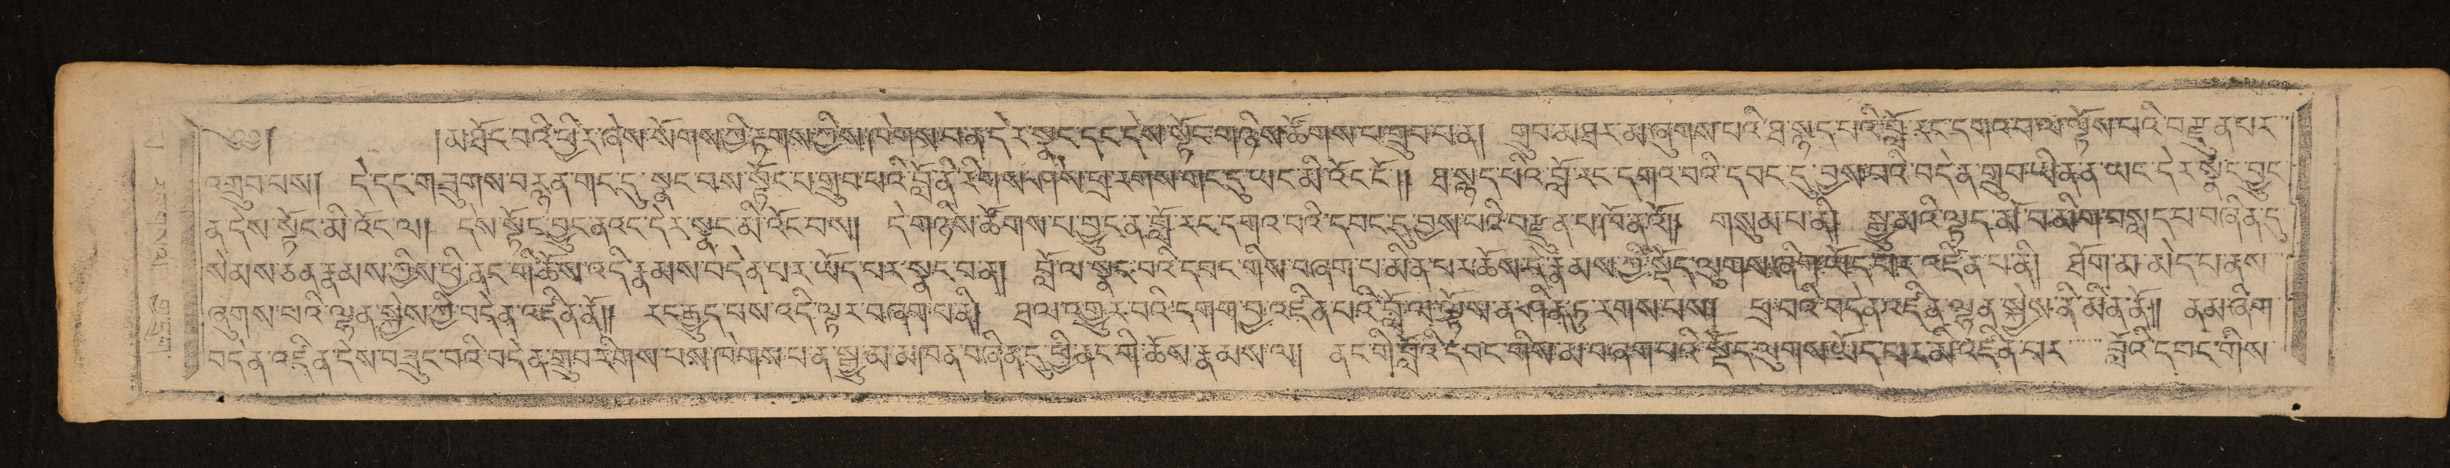༄༅། །མཐོང་བའི་ཕྱིར་ཞེས་སོགས་ཀྱི་རྟགས་ཀྱིས་ཁེགས་པ་ན་དེར་སྣང་དང་དེས་སྟོང་གཉིས་ཚོགས་པ་གྲུབ་པ་ན། གྲུབ་མཐར་མ་ཞུགས་པའི་ཐ་སྙད་པའི་བློ་རང་དགའ་བ་ལ་ལྟོས་པའི་བརྫུན་པར་
འགྲུབ་པས། དེ་དང་གཟུགས་བརྙན་གང་དུ་སྣང་བས་སྟོང་པ་གྲུབ་པའི་བློ་ནི་རིགས་ཤེས་ཕྲ་རགས་གང་དུ་ཡང་མི་འོང་ངོ། ཐ་སྙད་པའི་བློ་རང་དགའ་བའི་དབང་དུ་བྱས་པའི་བདེན་གྲུབ་ཡིན་ན་ཡང་དེར་སྣང་བྱུང་
ན་དེས་སྟོང་མི་འོང་ལ། དེས་སྟོང་བྱུང་ནའང་དེར་སྣང་མི་འོང་བས། དེ་གཉིས་ཚོགས་པ་བྱུང་ན་བློ་རང་དགའ་བའི་དབང་དུ་བྱས་པའི་བརྫུན་པ་ཁོ་ནའོ།། གསུམ་པ་ནི། སྒྱུ་མའི་ལྟད་མོ་བ་མིག་བསླད་པ་བཞིན་དུ་
སེམས་ཅན་རྣམས་ཀྱིས་ཕྱི་ནང་གི་ཆོས་འདི་རྣམས་བདེན་པར་ཡོད་པར་སྣང་བ་ན། བློ་ལ་སྣང་བའི་དབང་གིས་བཞག་པ་མིན་པར་ཆོས་དེ་རྣམས་ཀྱི་སྡོད་ལུགས་ཞིག་ཡོད་པར་འཛིན་པ་ནི། ཐོག་མ་མེད་པ་ནས་
ཞུགས་པའི་ལྷན་སྐྱེས་ཀྱི་བདེན་འཛིན་ནོ།། རང་རྒྱུད་པས་འདི་ལྟར་བཞག་པ་ནི། ཐལ་འགྱུར་བའི་དགག་བྱ་འཛིན་པའི་བློ་ལ་ལྟོས་ན་ཤིན་ཏུ་རགས་པས། ཕྲ་བའི་བདེན་འཛིན་ལྷན་སྐྱེས་ནི་མིན་ནོ།། ནམ་ཞིག་
བདེན་འཛིན་དེས་བཟུང་བའི་བདེན་གྲུབ་རིགས་པས་ཁེགས་པ་ན་སྒྱུ་མ་མཁན་བཞིན་དུ་ཕྱི་ནང་གི་ཆོས་རྣམས་ལ། ནང་གི་བློའི་དབང་གིས་མ་བཞག་པའི་སྡོད་ལུགས་ཡོད་པར་མི་འཛིན་པར་བློའི་དབང་གིས་